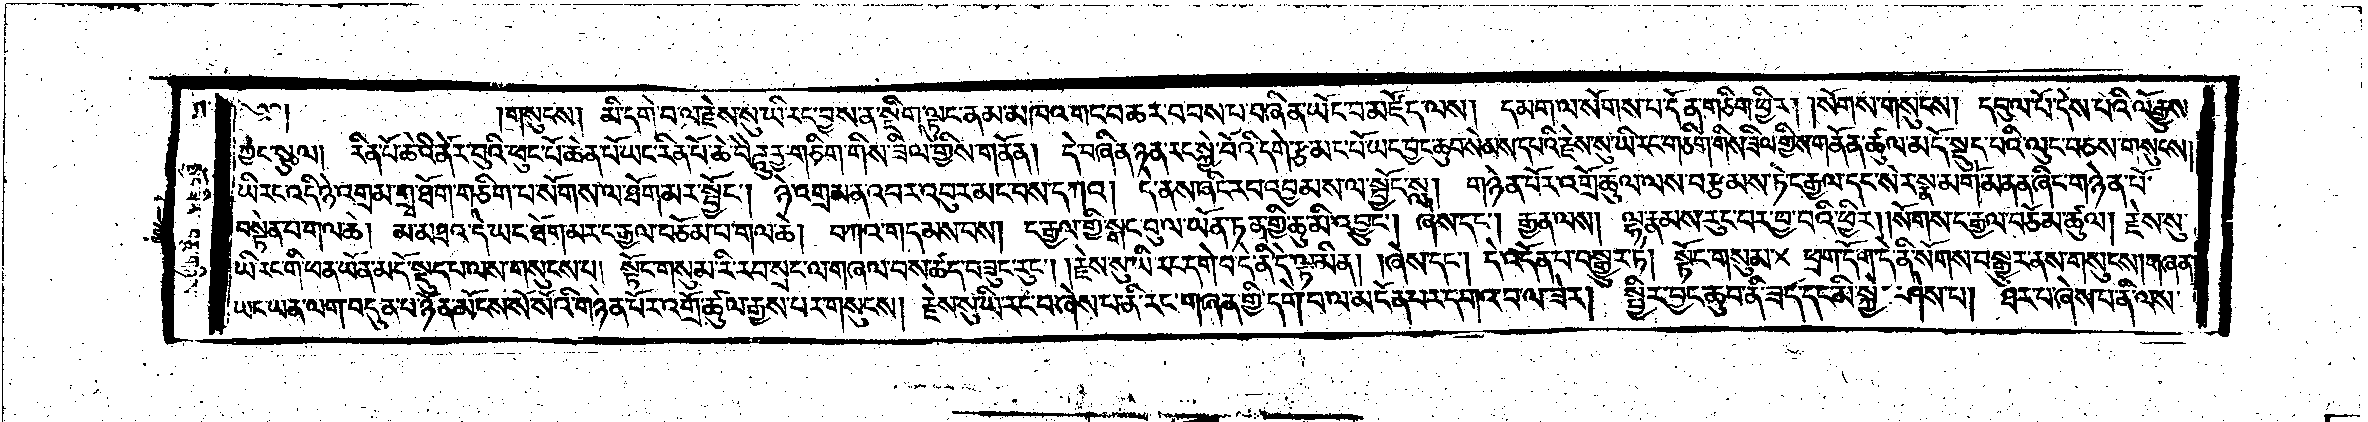༄༅། །གསུངས། མི་དགེ་བ་ལ་རྗེས་སུ་ཡི་རང་བྱས་ན་སྡིག་ལྟུང་ནམ་མཁའ་གང་བ་ཆར་བབས་པ་བཞིན་ཡོང་བ་མཛོད་ལས། དམག་ལ་སོགས་པ་དོན་གཅིག་ཕྱིར། །སོགས་གསུངས། དབུལ་པོ་དེས་པའི་ལོ་རྒྱུས་
ཀྱང་སྩལ། རིན་པོ་ཆེའི་ནོར་བུའི་ཕུང་པོ་ཆེན་པོ་ཡང་རིན་པོ་ཆེ་བཻཌཱུརྱ་གཅིག་གིས་ཟིལ་གྱིས་གནོན། དེ་བཞིན་ཉན་རང་སྐྱེ་བོའི་དགེ་རྩ་མང་པོ་ཡང་བྱང་ཆུབ་སེམས་དཔའི་རྗེས་སུ་ཡི་རང་གཅིག་གིས་ཟིལ་གྱིས་གནོན་ཚུལ་མདོ་སྡུད་པའི་ལུང་བཅས་གསུངས།
ཡི་རང་འདི་ཉེ་འགྲམ་གྲྭ་ཐོག་གཅིག་པ་སོགས་ལ་ཐོག་མར་སྦྱོང་། ཉེ་འགྲམ་ན་འབར་འབུར་མང་བས་དཀའ། དེ་ནས་ཞིང་རབ་འབྱམས་ལ་སྦྱོང་སླ། གཉེན་པོར་འགྲོ་ཚུལ་ལས་བརྩམས་ཏེ་ང་རྒྱལ་དང་སེར་སྣ་མགོ་མནན་ཞིང་གཉེན་པོ་
བསྟེན་པ་གལ་ཆེ། མ་མཐའ་དེ་ཡང་ཐོག་མར་ང་རྒྱལ་བཅོམ་པ་གལ་ཆེ། བཀའ་གདམས་པས། ང་རྒྱལ་གྱི་སྒང་བུ་ལ་ཡོན་ཏན་གྱི་ཆུ་མི་འབྱུང་། ཞེས་དང་། རྒྱན་ལས། ལྷ་རྣམས་རུང་བར་བྱ་བའི་ཕྱིར། །སོགས་ང་རྒྱལ་བཅོམ་ཚུལ། རྗེས་སུ་
ཡི་རང་གི་ཕན་ཡོན་མདོ་སྡུད་པ་ལས་གསུངས་པ། སྟོང་གསུམ་རི་རབ་སྲང་ལ་གཞལ་བས་ཚད་བཟུང་རུང་། །རྗེས་སུ་ཡི་རང་དགེ་བ་དེ་ནི་དེ་ལྟ་མིན། །ཞེས་དང་། དེ་འདོན་པ་བསྒྱུར་ཏེ། སྟོང་གསུམ་྾་ཕྲག་དོག་དེ་ནི་སོགས་བསྒྱུར་ནས་གསུངས། གཞན་
ཡང་ཡན་ལག་བདུན་པ་ཉོན་མོངས་སོ་སོའི་གཉེན་པོར་འགྲོ་ཚུལ་རྒྱས་པར་གསུངས། རྗེས་སུ་ཡི་རང་བ་ཞེས་པ་ནི་རང་གཞན་གྱི་དགེ་བ་ལ་མངོན་པར་དགའ་བ་ལ་ཟེར། སྤྱིར་བྱང་ཆུབ་ནི་ཟད་དང་མི་སྐྱེ་ཤེས་པ། ཐར་པ་ཞེས་པ་ནི་ལས་